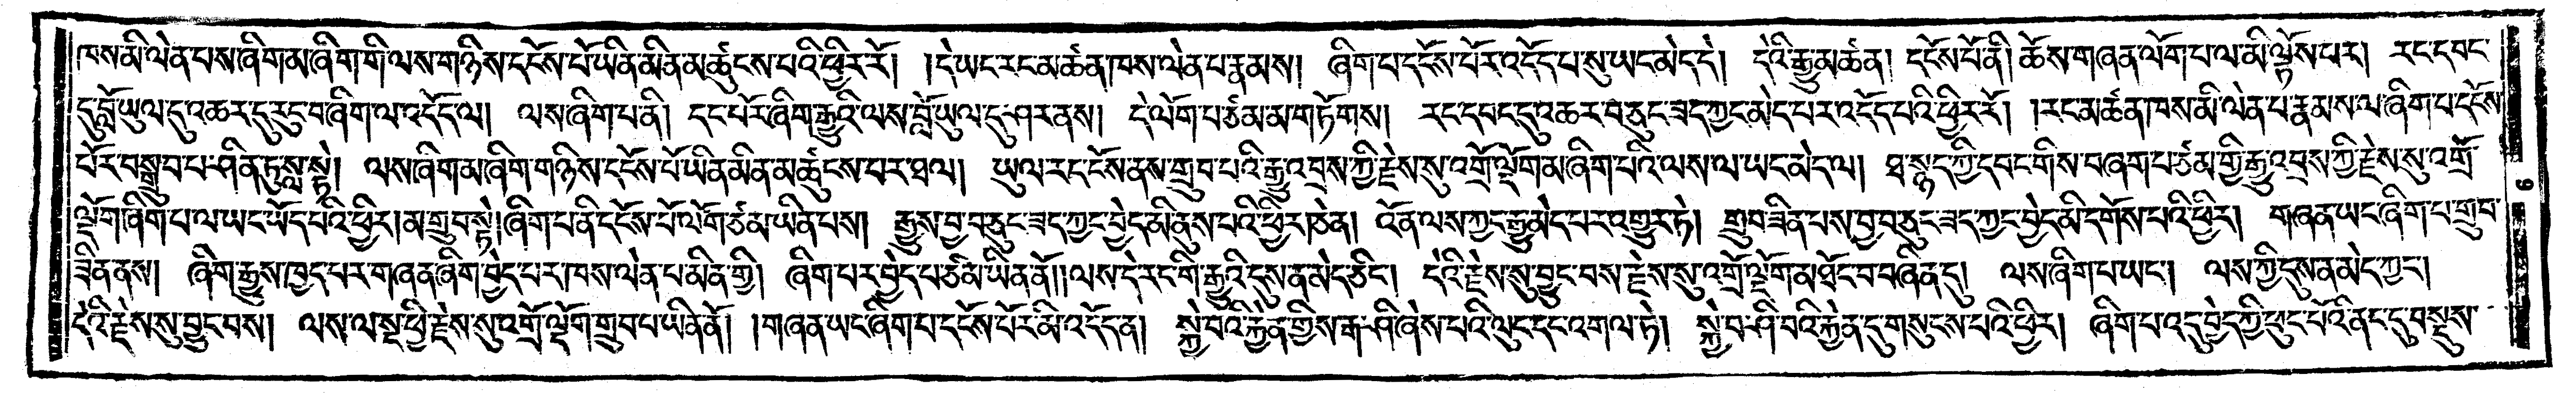ཁས་མི་ལེན་པས་ཞིག་མ་ཞིག་གི་ལས་གཉིས་དངོས་པོ་ཡིན་མིན་མཚུངས་པའི་ཕྱིར་རོ། །དེ་ཡང་རང་མཚན་ཁས་ལེན་པ་རྣམས། ཞིག་པ་དངོས་པོར་འདོད་པ་སུ་ཡང་མེད་དེ། དེའི་རྒྱུ་མཚན། དངོས་པོ་ནི། ཆོས་གཞན་ལོག་པ་ལ་མི་ལྟོས་པར། རང་དབང་
དུ་བློ་ཡུལ་དུ་འཆར་དུ་རུང་བ་ཞིག་ལ་འདོད་ལ། ལས་ཞིག་པ་ནི། དང་པོར་ཞིག་རྒྱུའི་ལས་བློ་ཡུལ་དུ་ཤར་ནས། དེ་ལོག་པ་ཙམ་མ་གཏོགས། རང་དབང་དུ་འཆར་བ་ཅུང་ཟད་ཀྱང་མེད་པར་འདོད་པའི་ཕྱིར་རོ། །རང་མཚན་ཁས་མི་ལེན་པ་རྣམས་ལ་ཞིག་པ་དངོས་
པོར་བསྒྲུབ་པ་ཤིན་ཏུ་སླ་སྟེ། ལས་ཞིག་མ་ཞིག་གཉིས་དངོས་པོ་ཡིན་མིན་མཚུངས་པར་ཐལ། ཡུལ་རང་ངོས་ནས་གྲུབ་པའི་རྒྱུ་འབྲས་ཀྱི་རྗེས་སུ་འགྲོ་ལྡོག་མ་ཞིག་པའི་ལས་ལ་ཡང་མེད་ལ། ཐ་སྙད་ཀྱི་དབང་གིས་བཞག་པ་ཙམ་གྱི་རྒྱུ་འབྲས་ཀྱི་རྗེས་སུ་འགྲོ་
ལྡོག་ཞིག་པ་ལ་ཡང་ཡོད་པའི་ཕྱིར། མ་གྲུབ་སྟེ། ཞིག་པ་ནི་དངོས་པོ་ལོག་ཙམ་ཡིན་པས། རྒྱུས་བྱ་བ་ཅུང་ཟད་ཀྱང་བྱེད་མི་ནུས་པའི་ཕྱིར། ཅེ་ན། འོ་ན་ལས་ཀྱང་རྒྱུ་མེད་པར་འགྱུར་ཏེ། གྲུབ་ཟིན་པས་བྱ་བ་ཅུང་ཟད་ཀྱང་བྱེད་མི་དགོས་པའི་ཕྱིར། གཞན་ཡང་ཞིག་པ་གྲུབ་
ཟིན་ནས། ཞིག་རྒྱུས་ཁྱད་པར་གཞན་ཞིག་བྱེད་པར་ཁས་ལེན་པ་མིན་གྱི། ཞིག་པར་བྱེད་པ་ཙམ་ཡིན་ནོ། །ལས་དེ་རང་གི་རྒྱུའི་དུས་ན་མེད་ཅིང་། དེའི་རྗེས་སུ་བྱུང་བས་རྗེས་སུ་འགྲོ་ལྡོག་མཐོང་བ་བཞིན་དུ། ལས་ཞིག་པ་ཡང་། ལས་ཀྱི་དུས་ན་མེད་ཀྱང་།
དེའི་རྗེས་སུ་བྱུང་བས། ལས་ལ་སྔ་ཕྱི་རྗེས་སུ་འགྲོ་ལྡོག་གྲུབ་པ་ཡིན་ནོ། །གཞན་ཡང་ཞིག་པ་དངོས་པོར་མི་འདོད་ན། སྐྱེ་བའི་རྐྱེན་གྱིས་རྒ་ཤི་ཞེས་པའི་ལུང་དང་འགལ་ཏེ། སྐྱེ་བ་ཤི་བའི་རྐྱེན་དུ་གསུངས་པའི་ཕྱིར། ཞིག་པ་འདུ་བྱེད་ཀྱི་ཕུང་པོའི་ནང་དུ་བསྡུས་